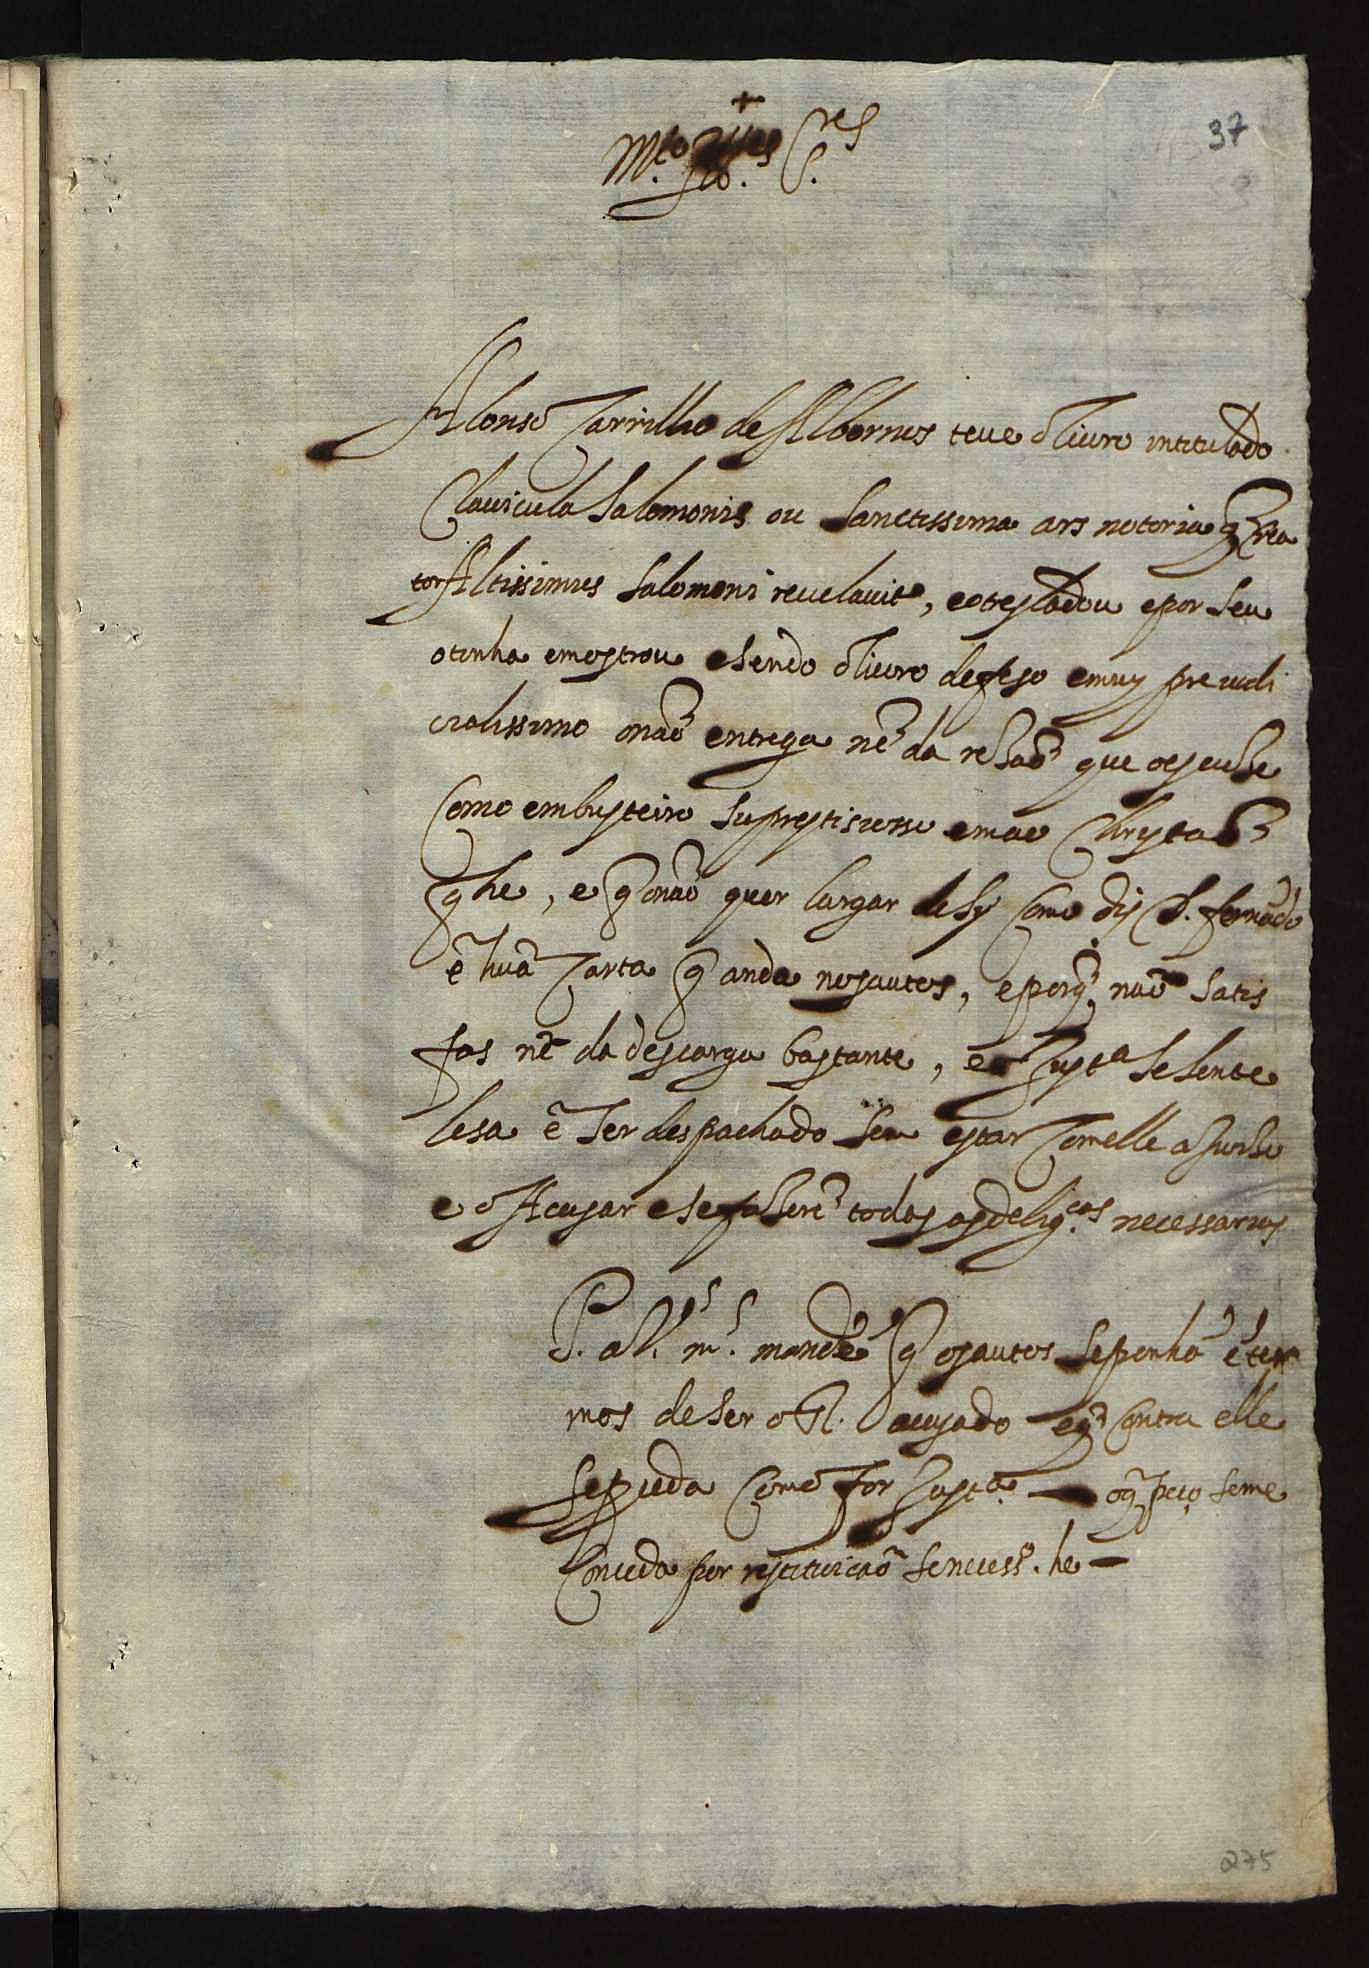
M.to Jll.es S.res
Alonso Carrilho de Albornos teue o liuro intitulado
Clauicula Salomonis ou Sanctissima ars notoria q̄ Crea
tor Altissimus Salomoni reuelauit, e o tresladou e por seu
o tinha e mostrou e sendo o liuro defeso e muy preiudi
cialissimo o naõ entrega nē da rezaõ que o escuze
Como embusteiro suprestisiosso e mao Christaõ
q̄ he, e q̄ o naõ quer largar de sy Como dis D. fernādo
ē huā Carta q̄ anda nos autos, e porq̄ naõ satis
fas nē da descarga bastante, e a Justa se sente
lesa ē ser despachado sem estar Com elle a Juizo
e o Acusar e se fazerē todas as delig.ças necessarias
P. a V.s m.s mandē q̄ os autos se ponhā ē ter
mos de ser o R. acusado e q̄ Contra elle
se ꝓceda Como for Just.a - o q̄ peço se me
Conceda por restituiçaõ se necesso. he -
